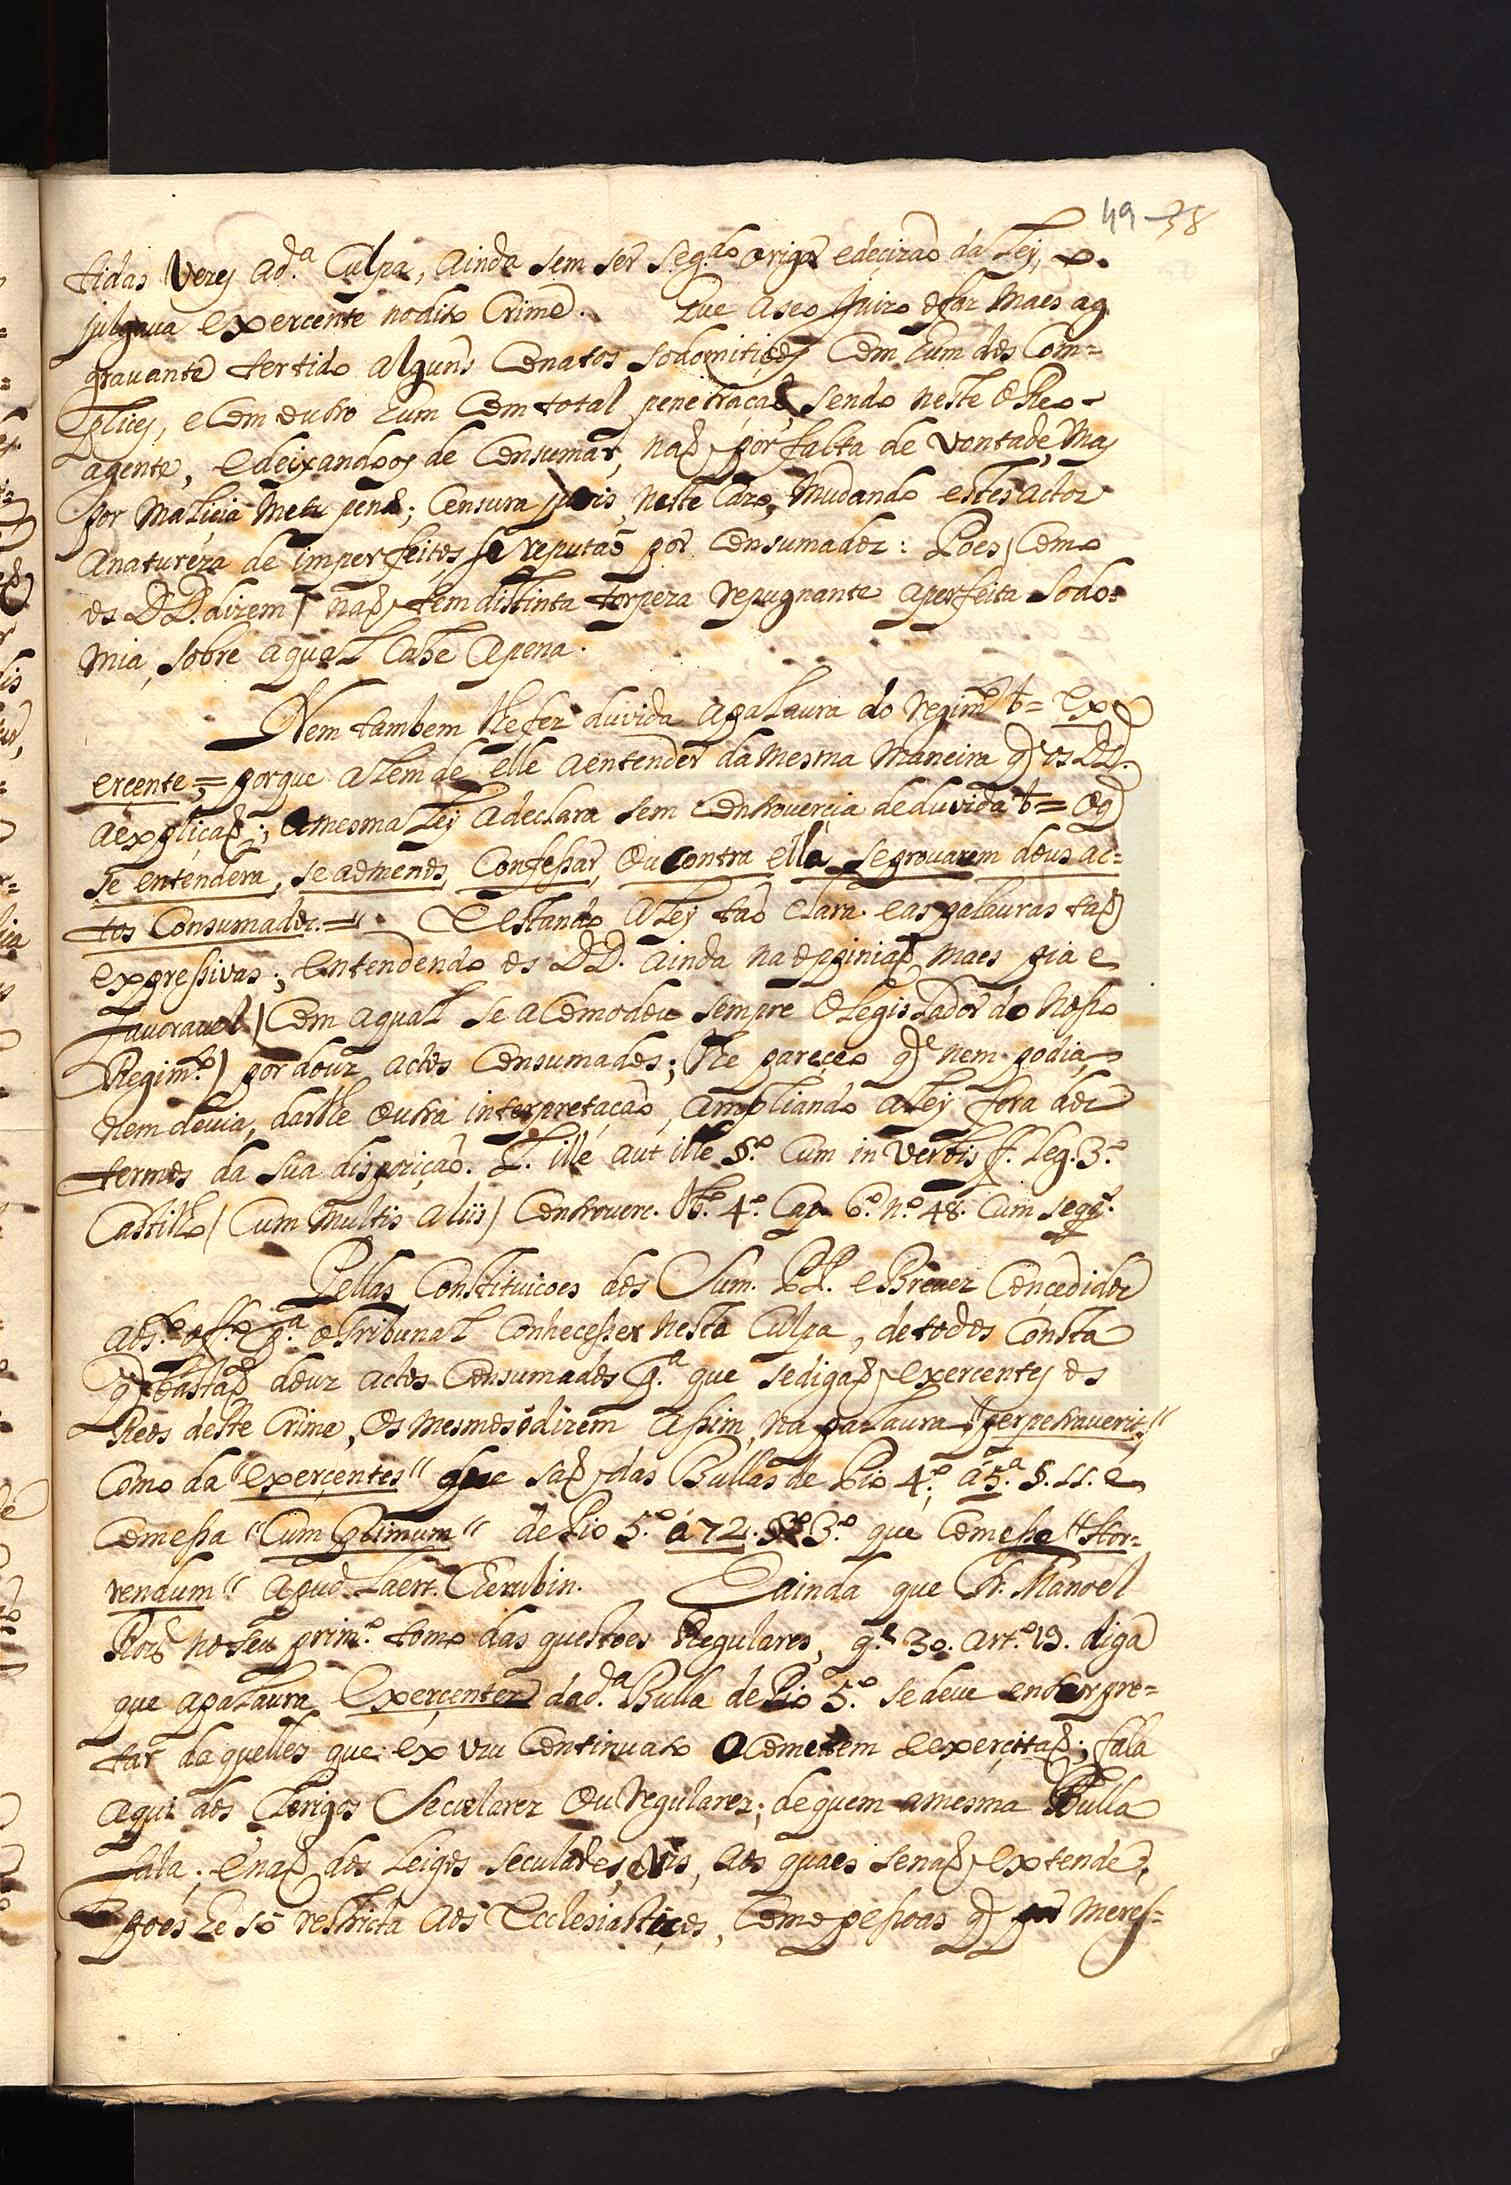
tidas Vezes a d.a Culpa, ainda sem ser seg.do o rigor e decizaõ da Ley; x.
julgaua exercente no dito Crime. Que a seo Juizo o faz maes ag
grauante ter tido algun̄s Conatos sodomiticos Com hum dos Com
plices, e Com outro hum Com total penetraçaõ sendo neste o Reo
agente, e deixandoos de Consumar naõ por falta de vontade, Mas
por malicia mete pena; Censura pois neste Cazo, mudando estes actoz
a natureza de imperfeitos, se reputaõ por Consumadoz: Poes Como
os DD. dizem naõ tem distinta torpeza repugnante a perfeita sodo
mia, sobre a qual cabe A pena.
Nem tambem lhe fez duvida a palaura do regimto b̄ = Ex
ercente, = porque alem de elle a entender da mesma Maneira q̄ os DD.
a expliçaõ; a mesma Ley a declara sem Controuercia de duvida b̄ = o q̄
se entendera, se ao menos, Confessar Ou contra ella se prouarem dous ac
tos Consumados. = E estando a Ley taõ clara e as palauras taõ
expressivas; Entendendo os DD. ainda na oppiniaõ maes pia e
fauorauel (Com a qual se acomodou sempre e Legislador do nosso
Regim.to) por douz actos Consumados; lhe pareceo q̄ nem podia
nem deuia, darlhe Outra interpretaçaõ, ampliando a Ley fora aos
termos da sua dispoziçaõ. P. elle aut ille §.o Cum in verbis ff. Leg. 3.o
Castilho / Cum multis aliis / Controuerc. ib̄.o 4.o Cap 6.o n.o 48. Cum segg.s
Pellas Constituiçoes dos Sum. PP. e Breuez Concedidos
ao s.to off.o p.a o Tribunal Conhecesser nesta Culpa, de todos Consta
q̄ bastaõ douz actos Consumados p̄.a que se digaõ exercentes os
Reos deste Crime, Os mesmos o dizem assim na palaura "perpetrauerit"
Como da "exercentes" que saõ das Bullas de Pio 4.o á 5.a §. 11 e
Comessa "Cum primum" de Pio 5.o á 72. _ 3.o que Com esse "Hor
rendum" apud Laert. Cherubin. E ainda que Fr. Manoel
Roze no seu prim.o tomo das questoes Regulares, q.e 30. art.o 19. diga
que a palaura Exercentez da d.a Bulla de Pio 5.o se deue enterpre
tar daquelles que ex uzu Continuato O comettem e exercitaõ; fala
aqui dos Clerigos Secularez ou regularez; de quem a mesma Bulla
fala; e naõ dos Leigos seculares e vis, aos quaes senaõ extende.
poes he só restricta aos Ecclesiasticos, Como pessoas q̄ por meres
